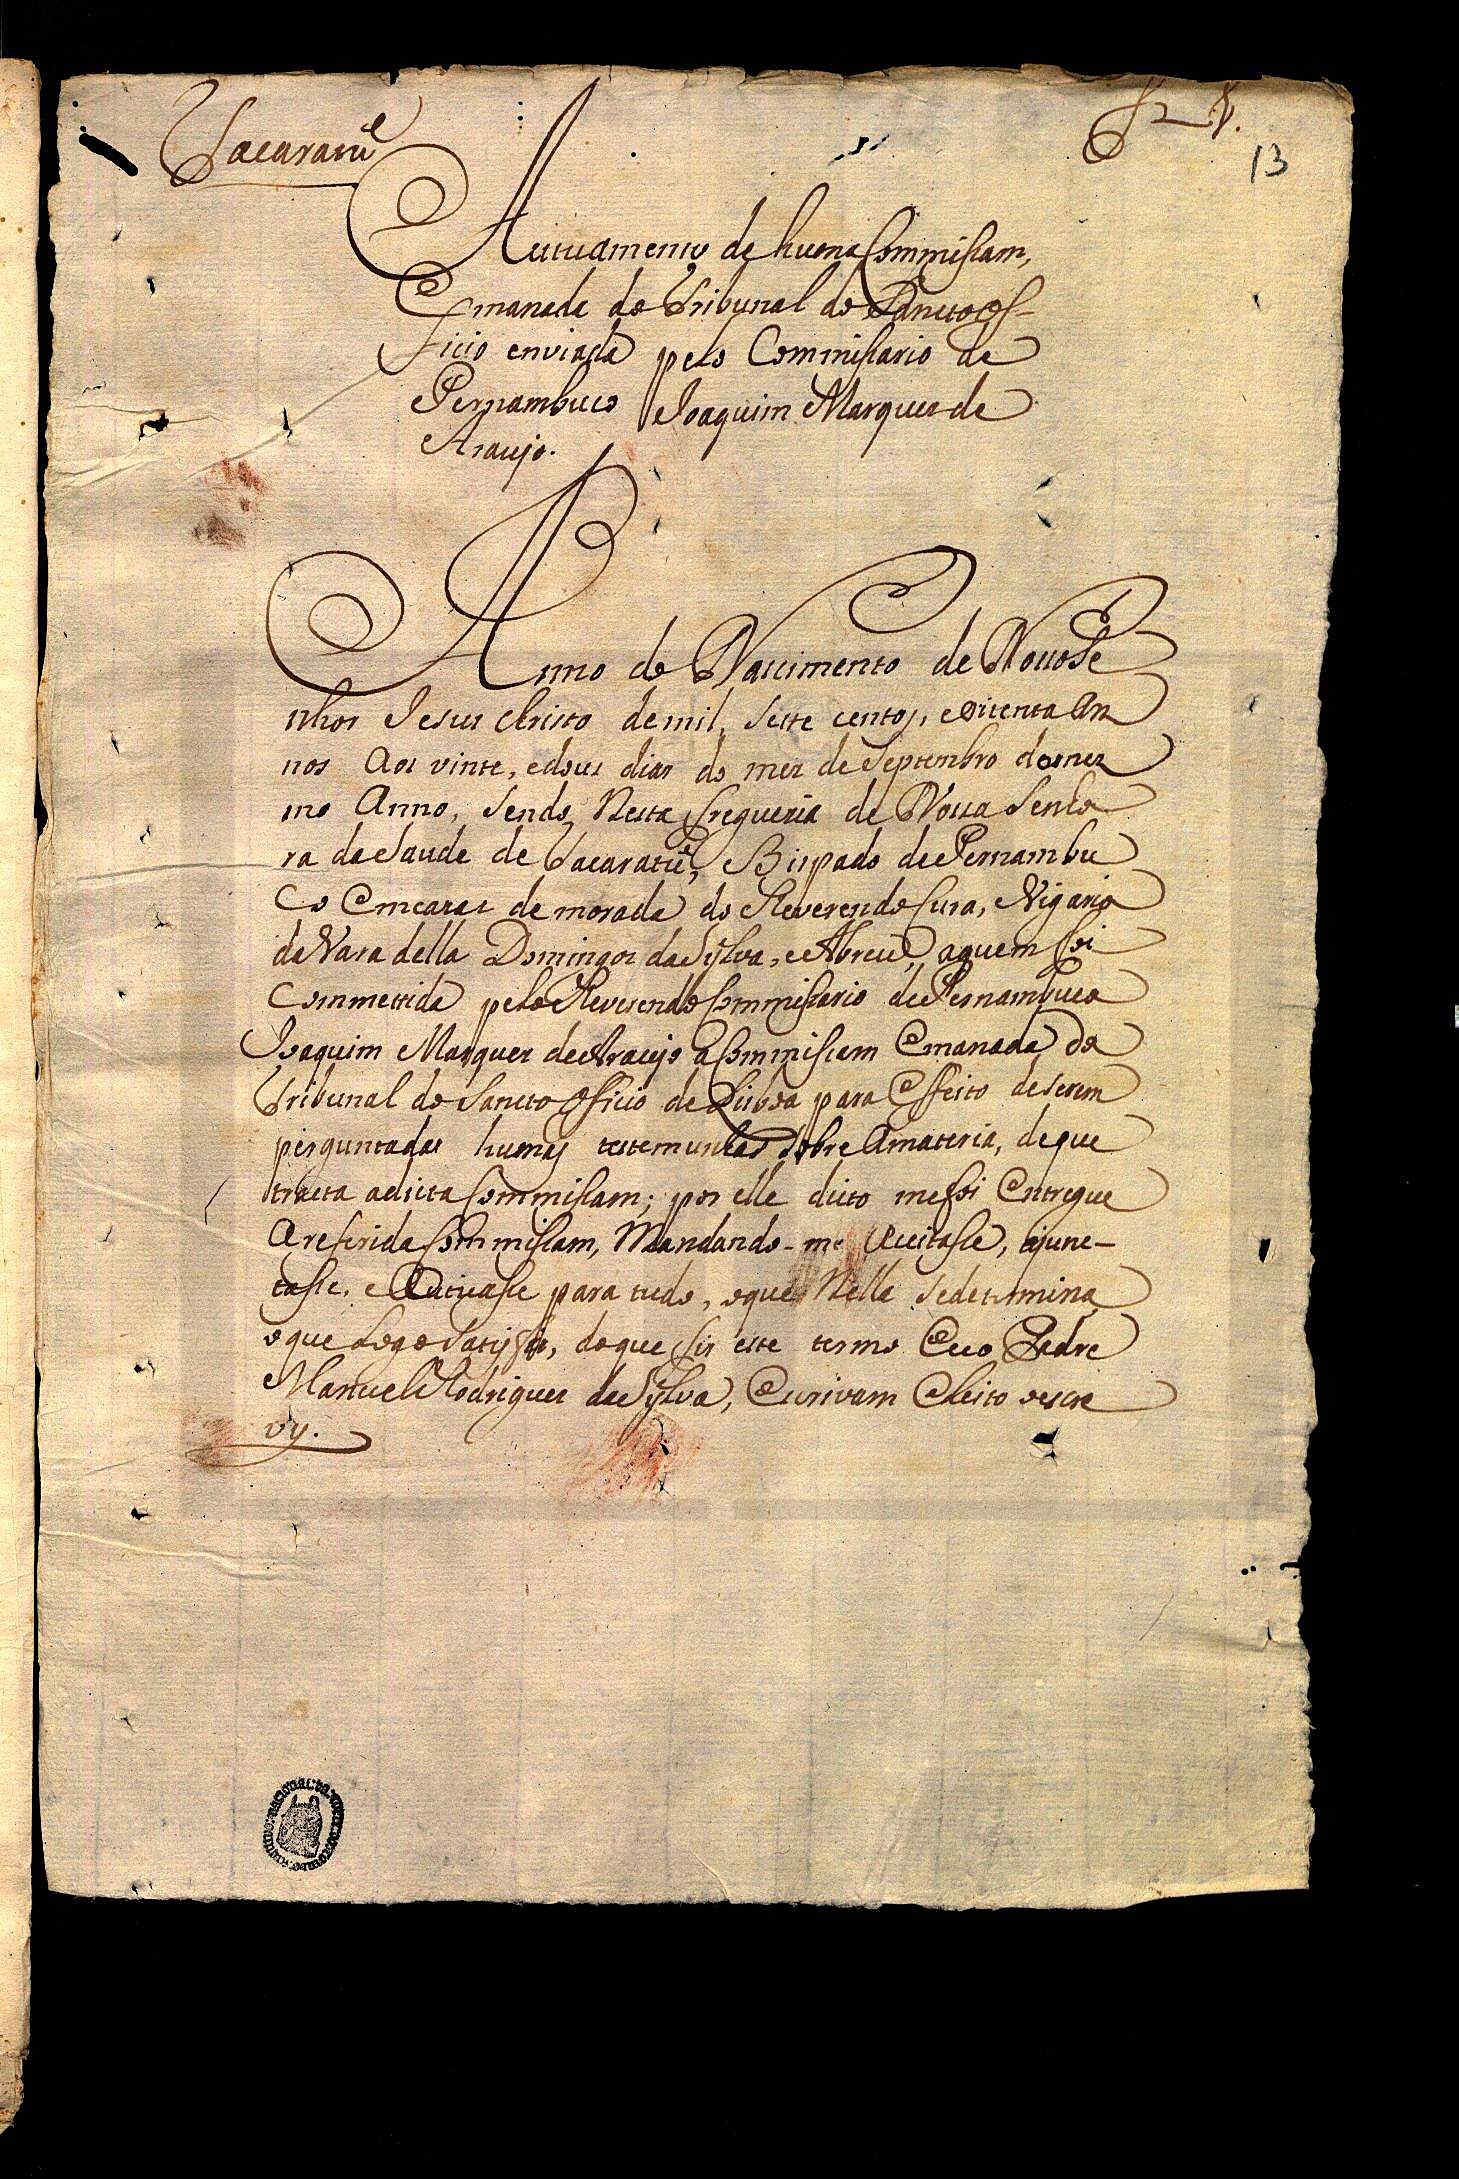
Tacaratú
Autuamento de huma Commissam,
emanada do Tribunal do Sancto of
ficio enviada pelo Commissario de
Pernambuco Ioaquim Marquez de
Araujo.
Anno do Nascimento de Nosso Se
nhor Iesus christo de mil settecentos, e oitenta an
nos aos vinte, e dous dias do mez de Septembro do mez
mo anno, sendo nesta freguezia de Nossa Senho
ra da Saude de Tacaratú, Bispado de Pernambu
co em cazaz de morada do Reverendo Cura, e Vigario
da Vara della Domingoz da SyLva, e Abreu, a quem foi
commettida pelo Reverendo Commissario de Pernambuco
Ioaquim Marquez de Araujo a Commissam emanada do
Tribunal do Sancto officio de Lisboa para effeito de serem
perguntadas humas testemunhas sobre a materia, de que
tracta a dicta Commissam; por elle dicto me foi entregue
a referida Commissam, Mandando-me aceitasse, ajunc
tasse, e autuasse para tudo, o que Nella se determina
o que Logo satisfiz, do que fiz este termo eu o Padre
Manuel Rodriguez da Sylva, escrivam eLeito o escre
vy.
f 21.
